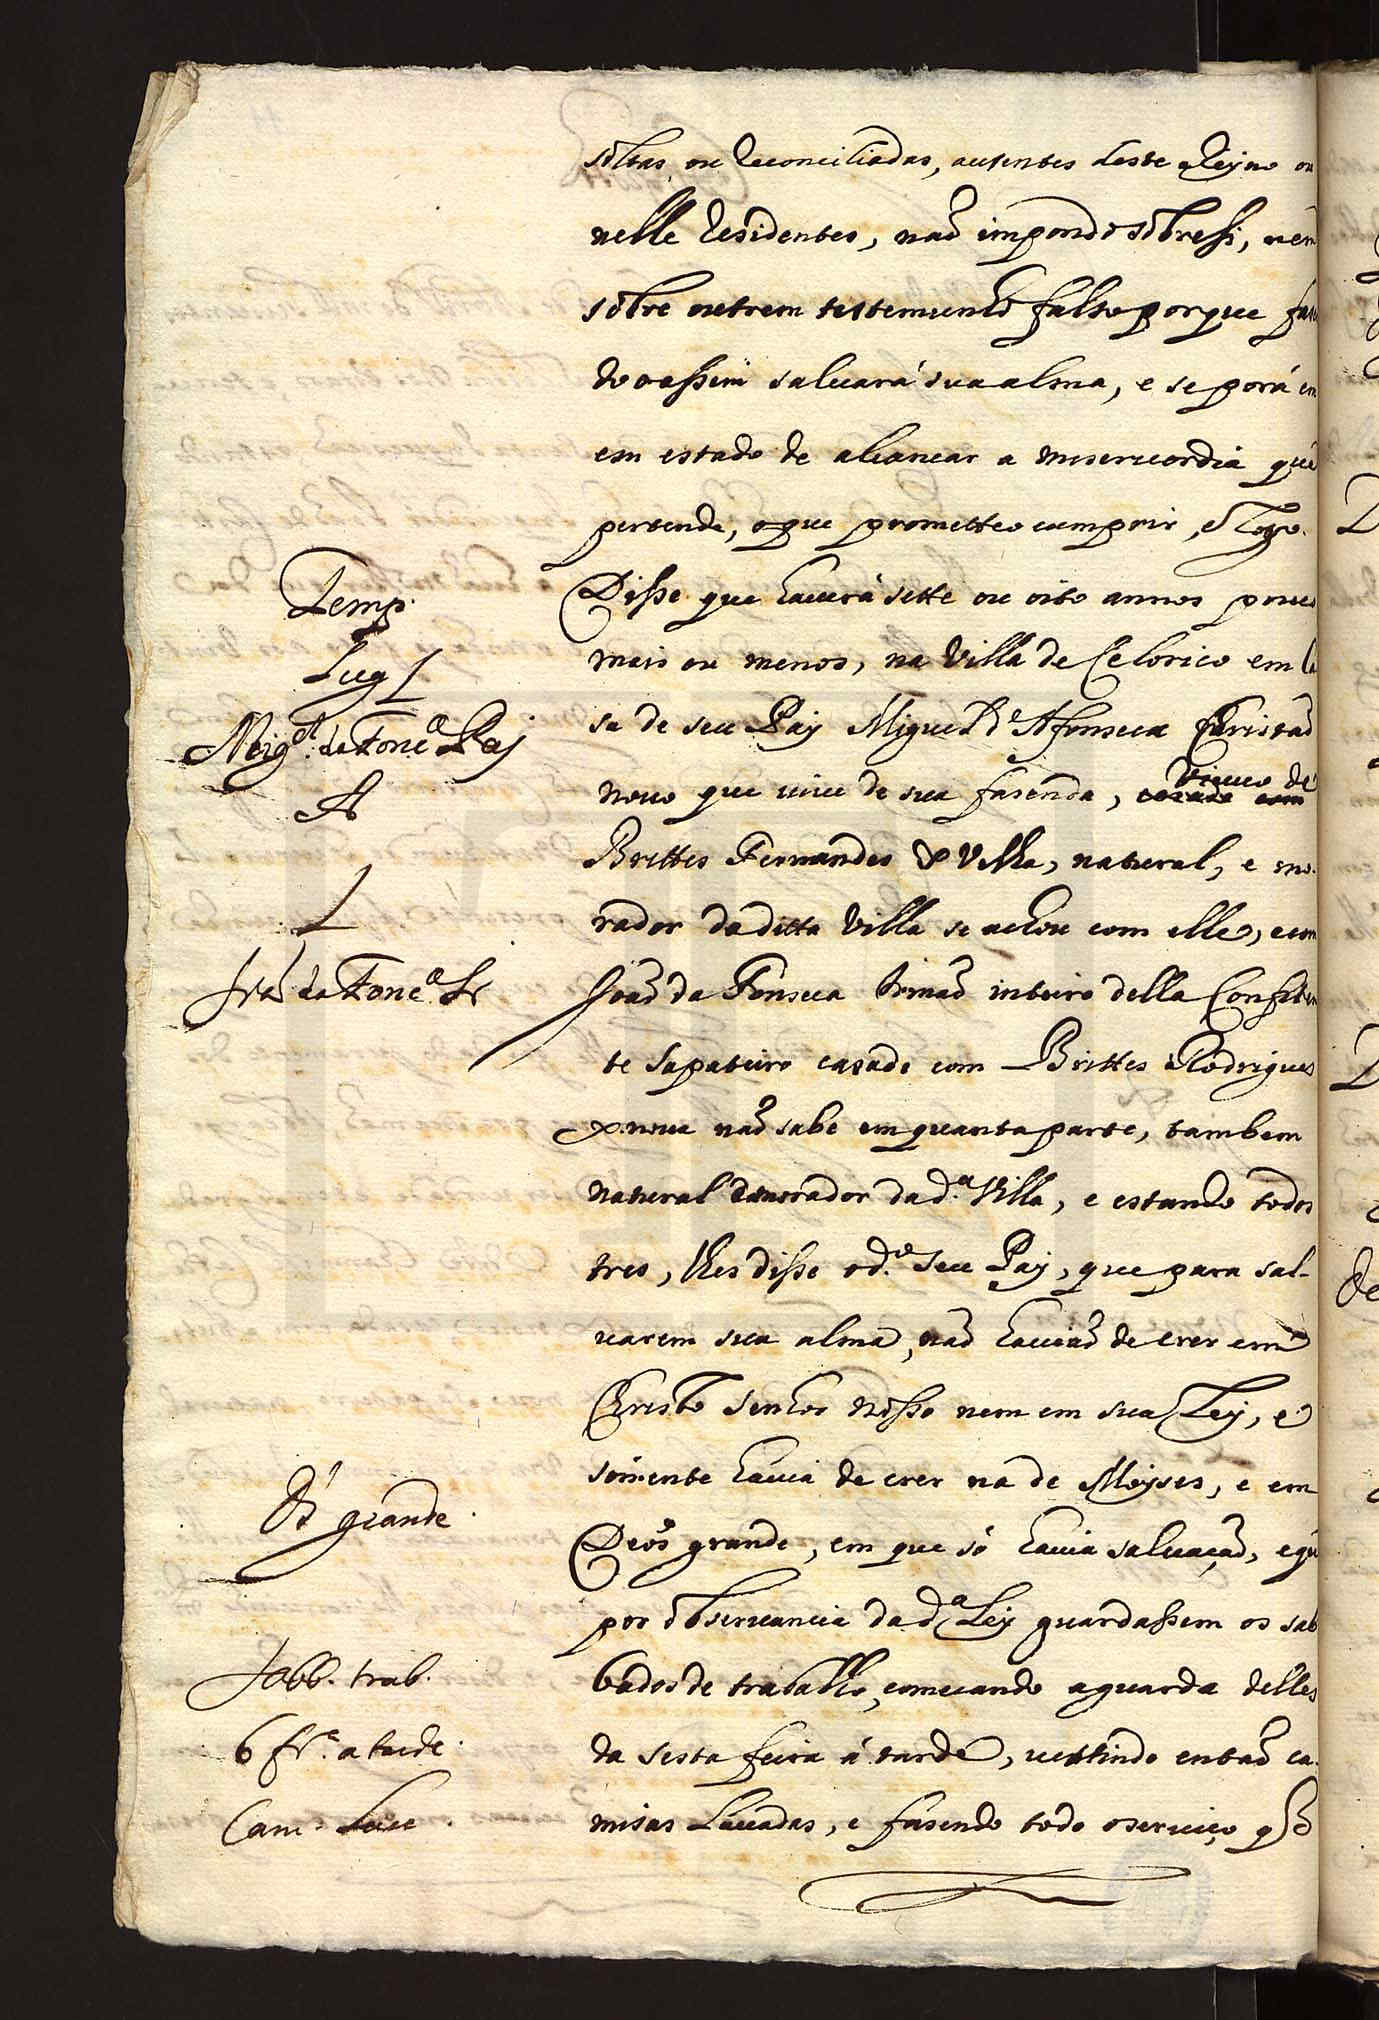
soltas, ou Reconciliadas, ausentes deste Reyno ou
nelle Residentes, naõ impondo sobre si, nem
sobre outrem testemunho falso porque fase_
do o assim saluará sua alma, e se porá em
em estado de alcancar a misericordia que
pertende, o que prometteo cumprir, e logo
Disse que hauerá sette ou oito annos pouco
mais ou menos, na Villa de Celorico em Ca
sa de seu Pay Miguel de Afonseca Christaõ
nouo que uiue de sua fasenda, _
Viuuo de
Brittes Fernandes X Velha, natural, e mo
rador da ditta villa se achou com elle, e com
Joaõ da Fonseca Irmaõ inteiro della Confiten
te sapateiro casado com Brittes Rodrigues
x. noua naõ sabe em quanta parte, tambem
natural E morador da d.a villa, e estando todos
tres, lhes disse o d.o seu Pay, que para sal
uarem sua alma, naõ hauiaõ de crer em
Christo senhor nosso nem em sua Ley, e
somente hauia de crer na de Moyses, e em
Deos grande, em que só hauia saluaçaõ, e qu_
por obseruancia da da Ley guardassem os sab
bados de trabalho, comecando a guarda delles
da sesta feira á tarde, uestindo entaõ ca
misas Lauadas, e fasendo todo o seruiço q̄
